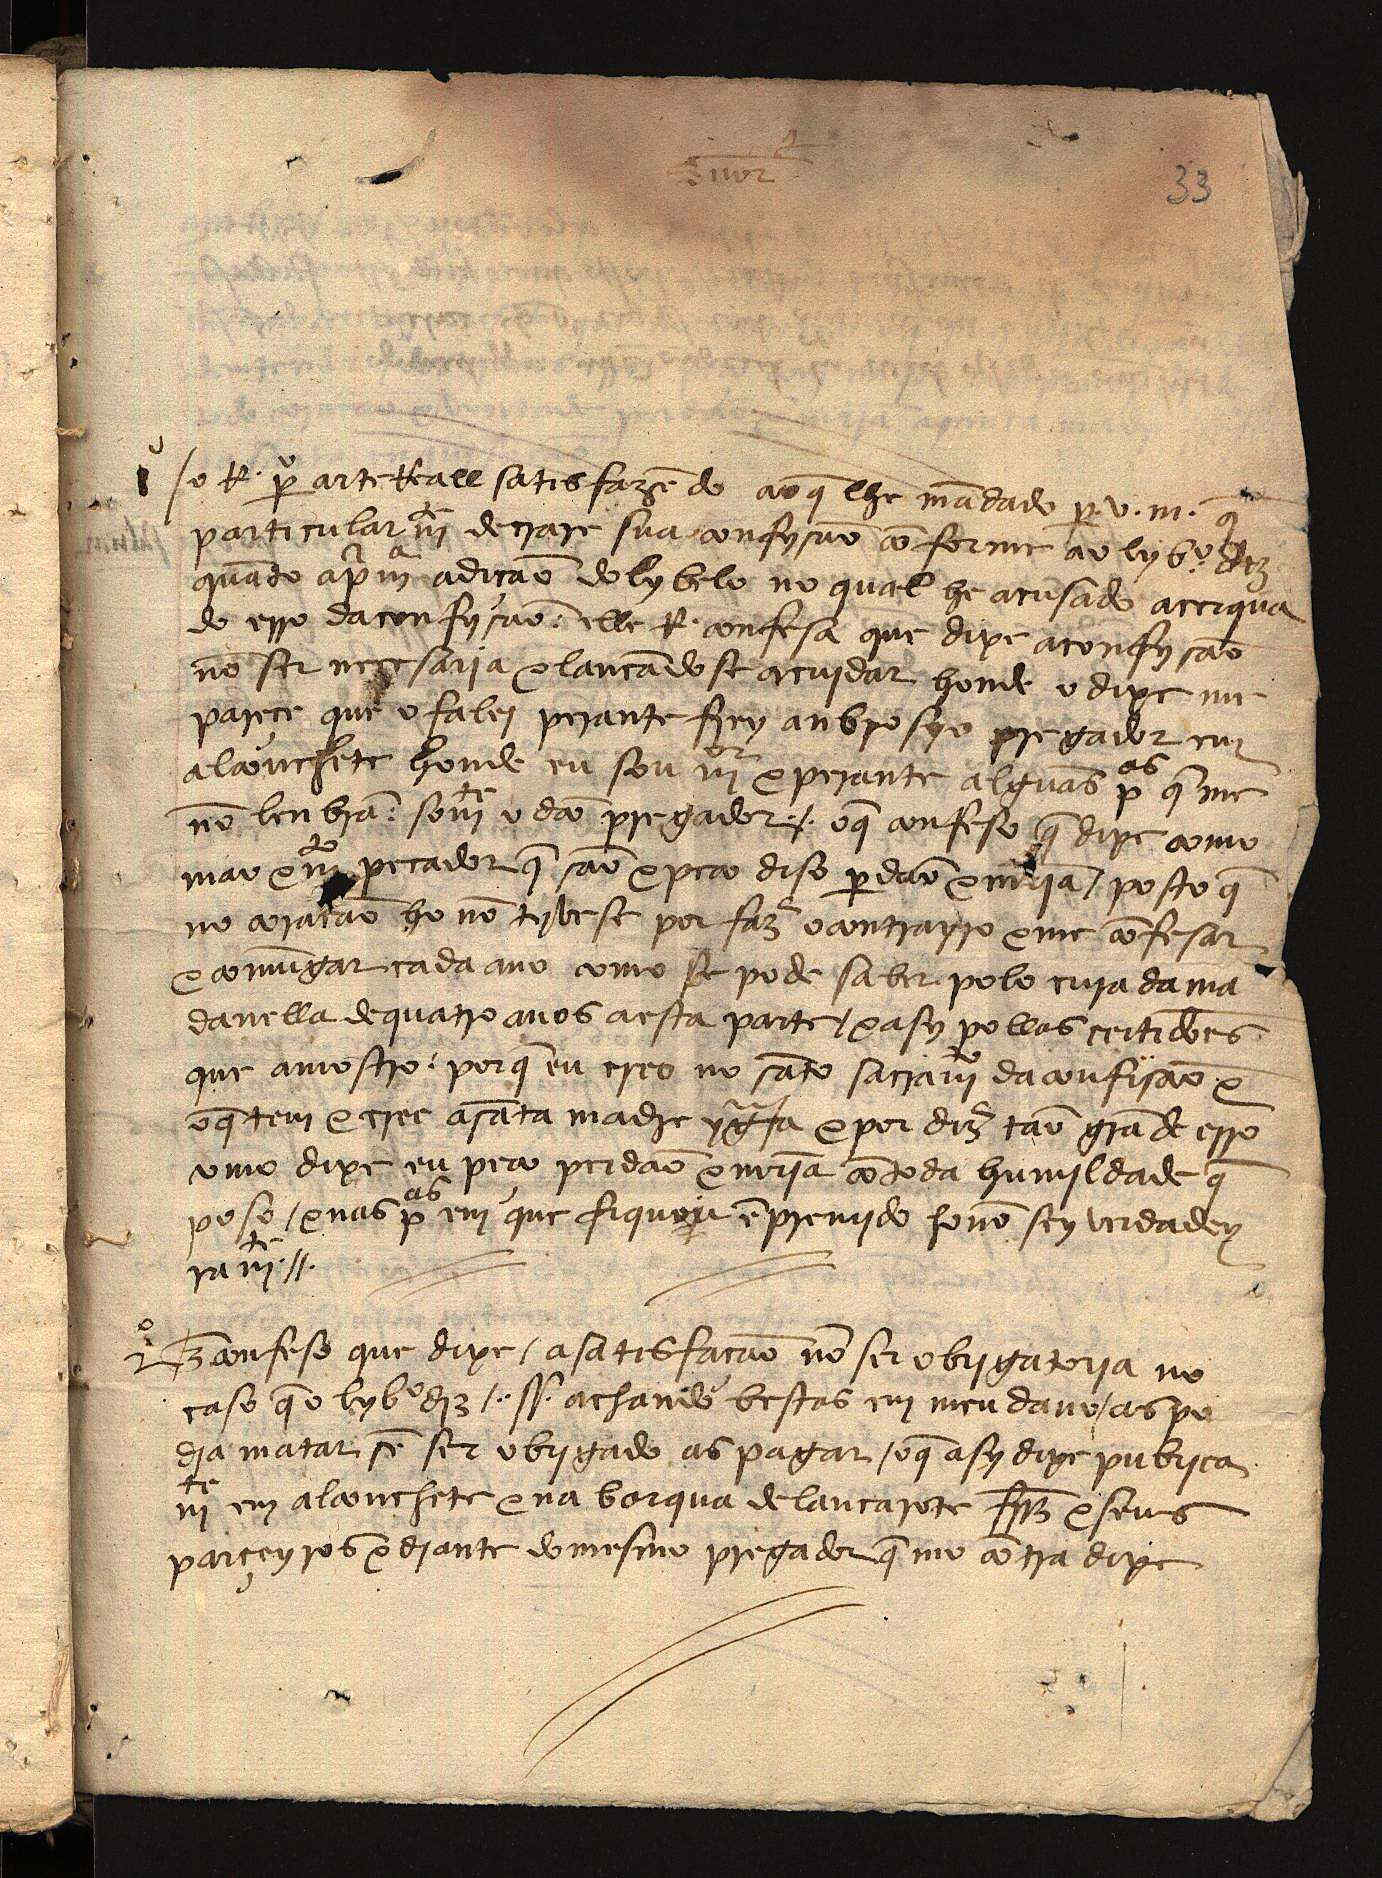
Sn̄or
o R. ꝑo corte Reall satisfazēdo ao q̄ lhe mādado ꝑ. v. m. q̄
particularmte decrare sua confysão c̄oforme ao lybo: diz
qūato a pima adição do lybelo no qual he acusado acerqua
do erro da confysaõ : elle R. confesa que dixe a confysão
n̄o ser necesarja e lanc̄ado se a cujdar honde o dixe me
pareçe que o falej perante frey anbrosyo pregador em
alcouchete honde eu sou mor e perante algūas pas q̄ me
n̄o lenbrā : somte o dc̄o pregador ./. o q̄ confeso q̄ dixe como
mao e mto pecador q̄ são e peco diso ꝑdaõ e mr̄ja / posto q̄
no coracão ho n̄o tyvese por faz̄ o contrayro e me c̄ofesar
e com̄ugar cada ano como se pode saber polo cura da ma
danella de quatro anos a esta parte / e asy pollas certidões
que amostro : por q̄ eu creo no s̄ato sacramto da confisaõ e
o q̄ tem e cree a s̄ata madre yḡJa e por diz̄ taõ grāde erro
como dixe eu peço perdão e mr̄ja c̄o toda humjldade q̄
poso / e nas pas que fiquou ēpremjdo ho n̄o sey verdadey
ramte .//.
item confeso que dixe / a satisfação nō ser obrjgatorja no
caso q̄ o lybo djz /. .ss. achando bestas em meu dano / as po
dja matar s̄e ser obrjgado as pagar / o q̄ asy dixe pubrjca
mte em alcouchete e na barqua de lancarote f̄rrz e seus
parçeyros e djante do mesmo pregador q̄ mo c̄otradixe
